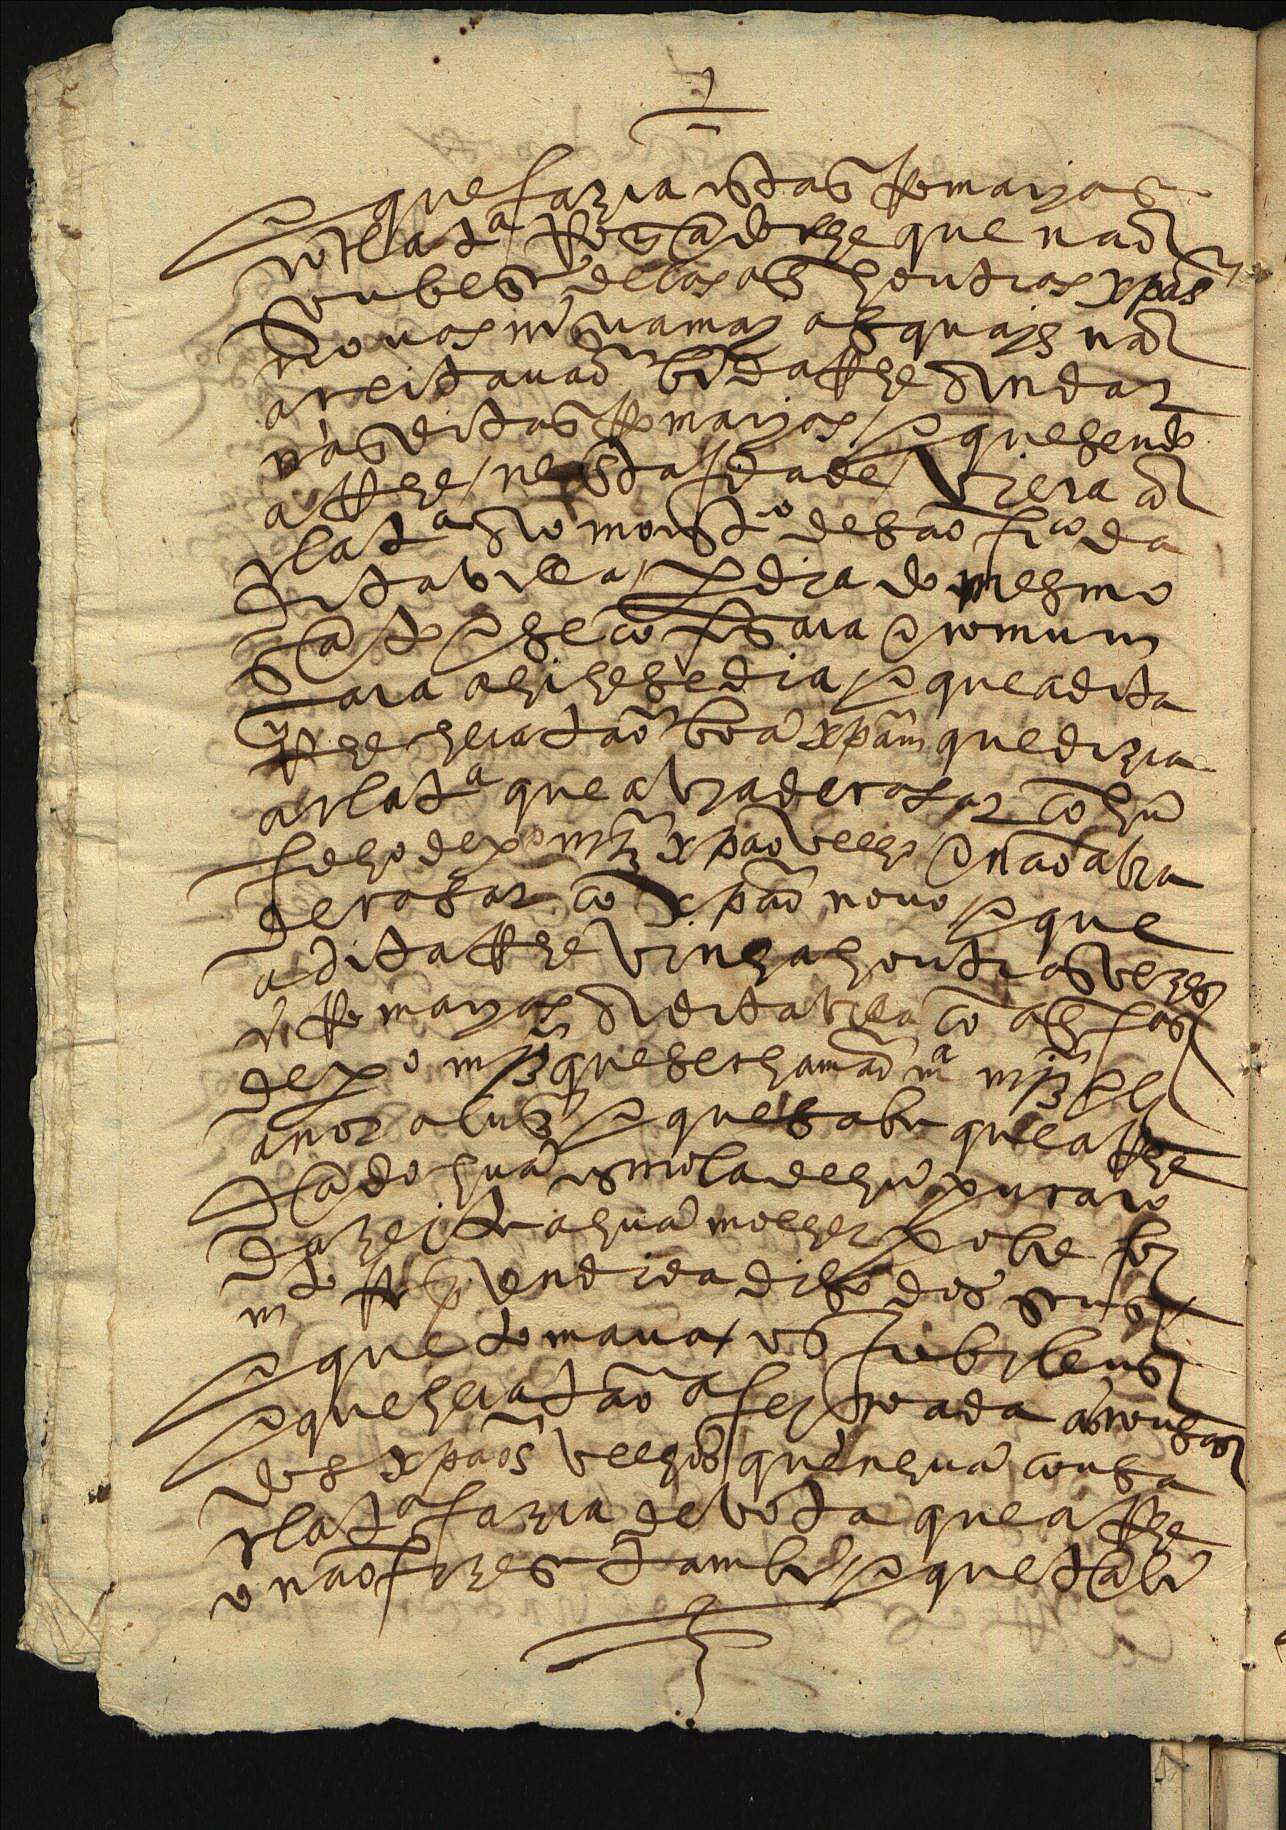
e que fazia estas Romarjas
cō ella ta Rogādolhe que naõ
soubesē delas as houtras xpas̄
nouas nē sua maj as quajs naõ
açeitauaõ bē da Rhe Andar
nas ditas Romarjas / e que sendo
a Rhe / nesta Jdade / viera cō
ela ta Ao moestro de são frco da
dita villa / ꝑ dia do mesmo
sāto e se cōfesara e comum
gara ahi hese dia / e que a dita
Rhe hera taõ boa xpām que dizia
a ela ta que avja de casar cō hū
filho de ꝑo miz̄ xpão velho / e não avia
de casar cō xpão nouo / e que
a dita Rhe Vinha houtras vezes
ē Romarjas A dita villa cō as fas
de ꝑo mjz̄ que se chamão ma mjz̄ e lj
anor aluz̄ e que sabe que a Rhe
dādo huā esmola de hū pucaro
dazejte a huā molher pobre foj
mto Reprendida diso dos seus
e que tomaua os Jubileus
e que hera tão afejçoada as cousas
dos xpãos velhos que nhuā cousa
ela ta fazia devota que a Rhe
o não fezese tambē / e que tābē
